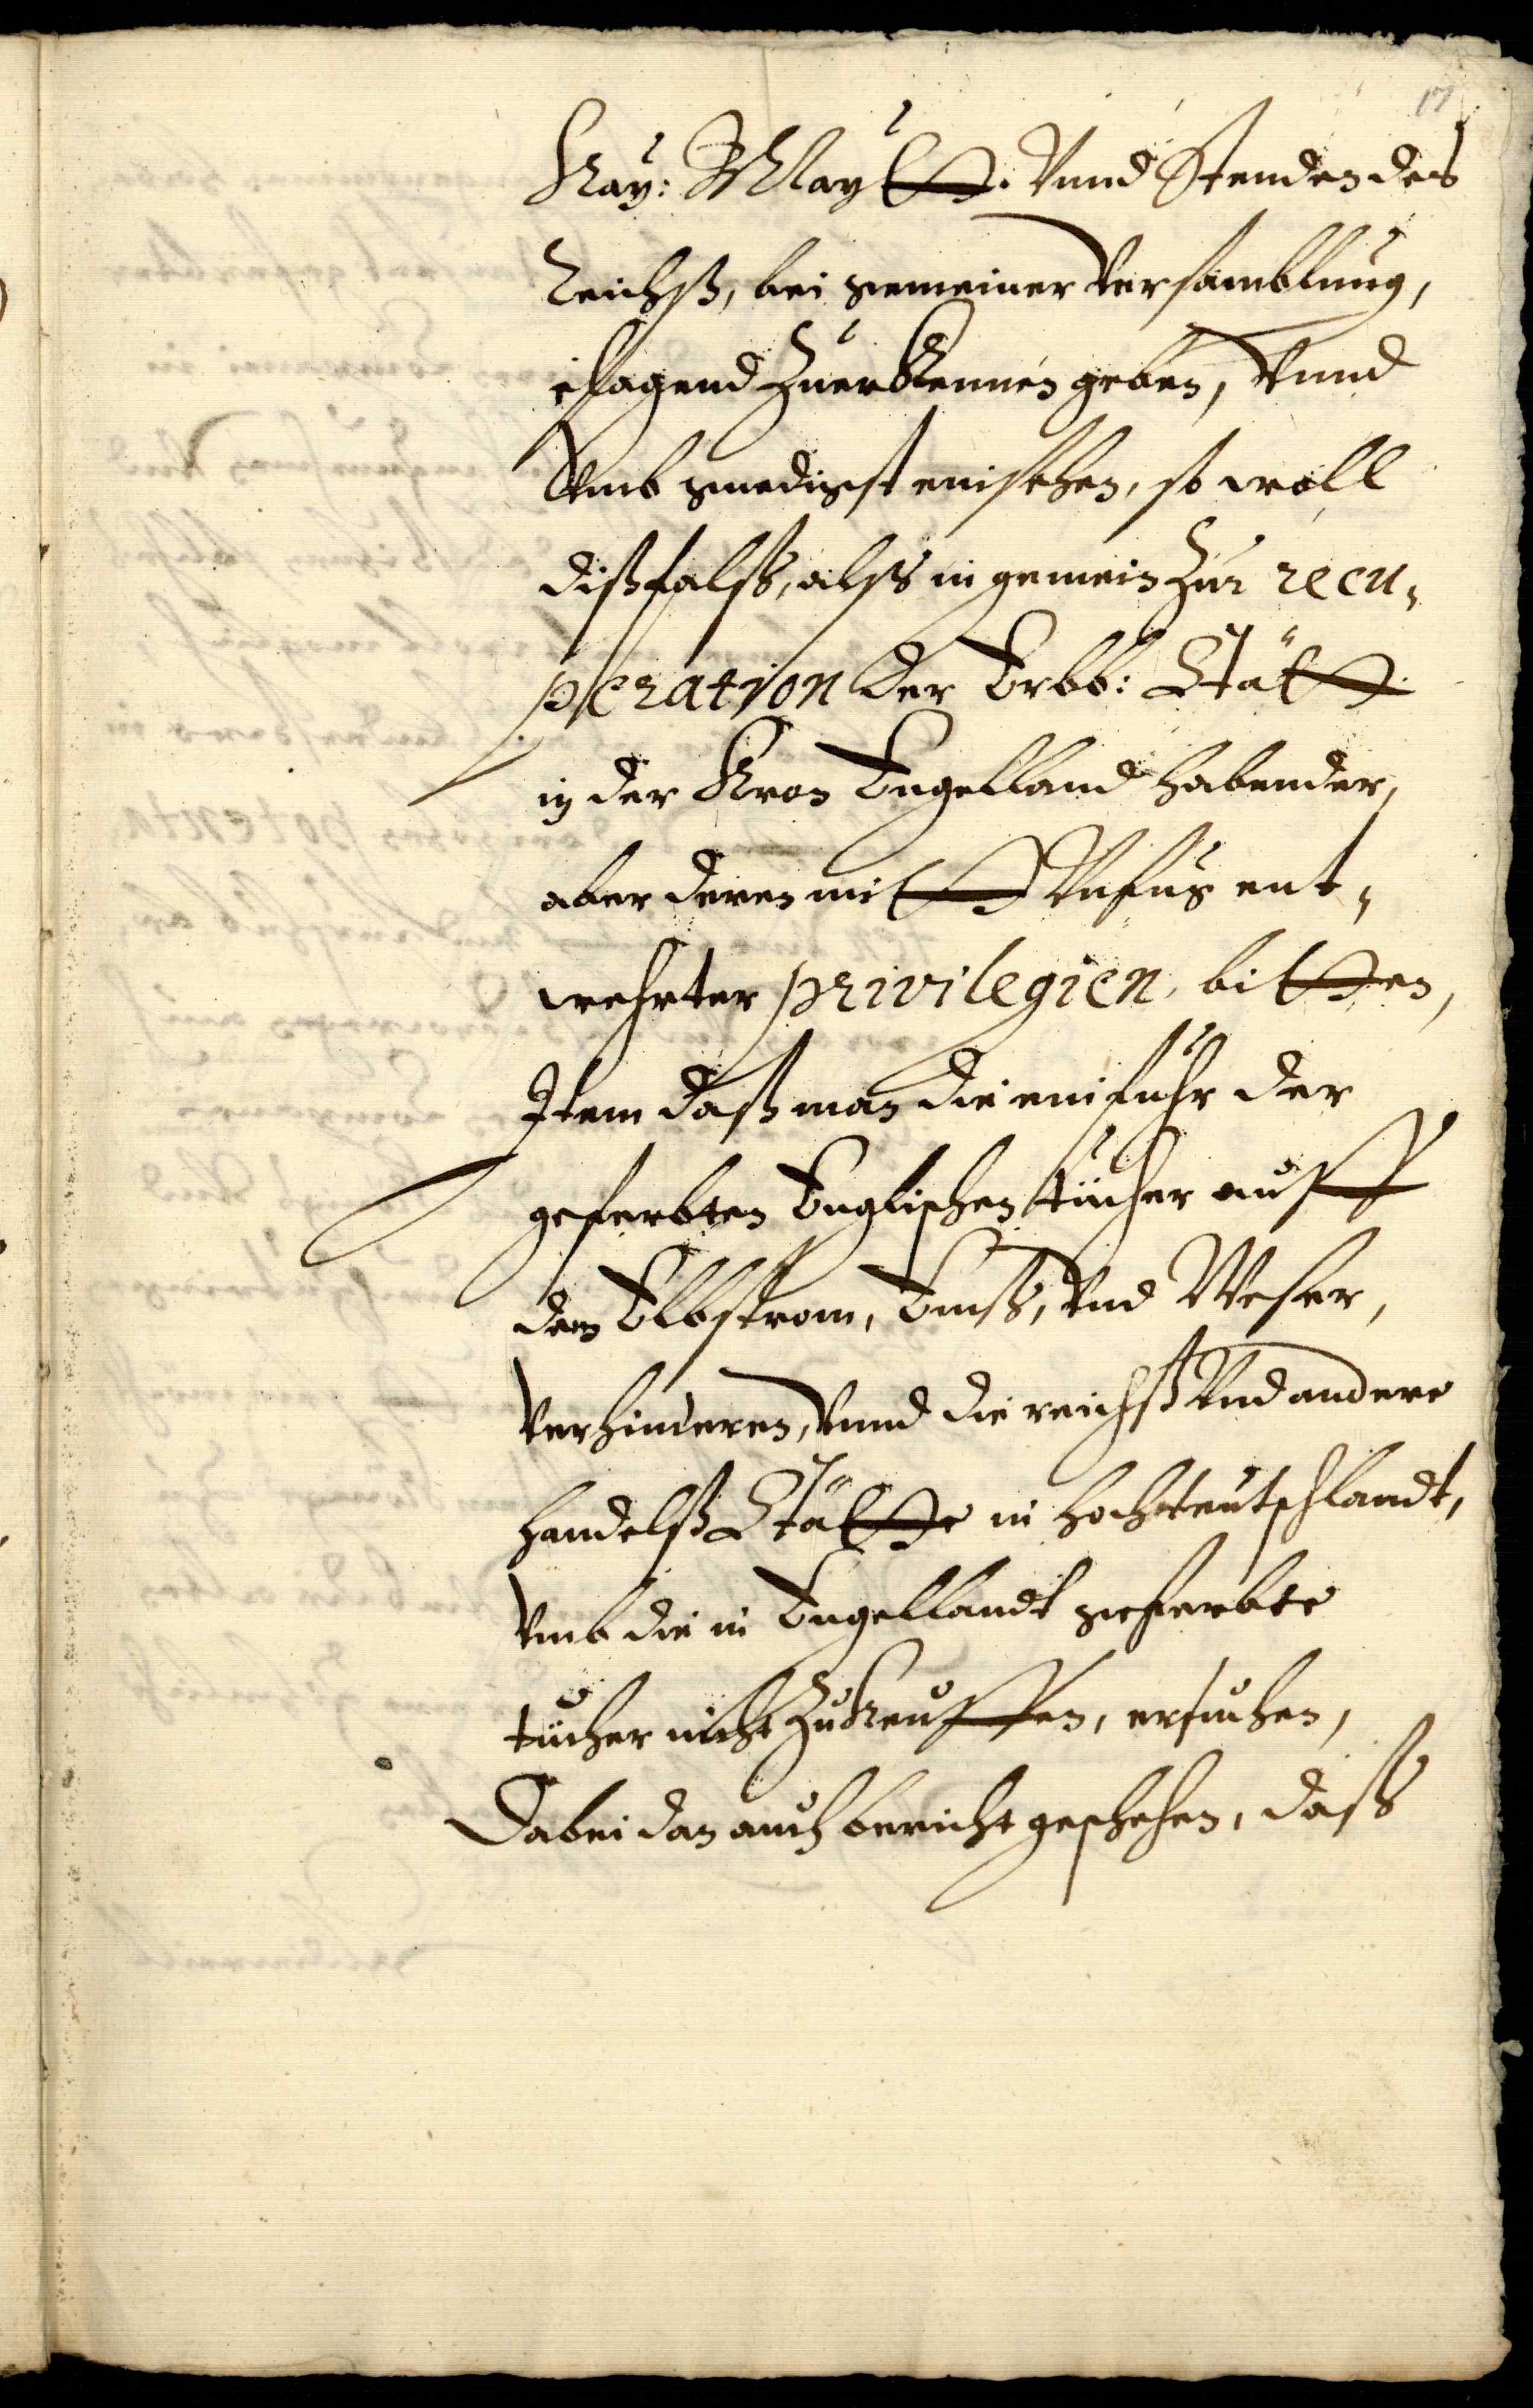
Kay: Maytt. Vnnd Stenden des
Reichß, bei gemeiner Versamblung,
clagend Zuerkennen geben, Vnnd
Vmb gnedigst einsehen, so woll
dißfalß, alß in gemein Zur recu¬
peration der Erbb: Stätt
in der Kron Engelland habender
aber deren mitt Vnfug ent¬
wehrter privilegien, bitten,
Item daß man die einfuhr der
geferbten Englischen tücher auff
dem Elbstrom, Emß, Vnd Weser,
Verhinderen, Vnnd die reichß Vnd andere
handelß Stätte in hochteutschlandt,
Vmb die in Engelland geferbte
tücher nicht Zu keuffen, ersuchen,
Dabei dan auch bericht geschehen, daß
